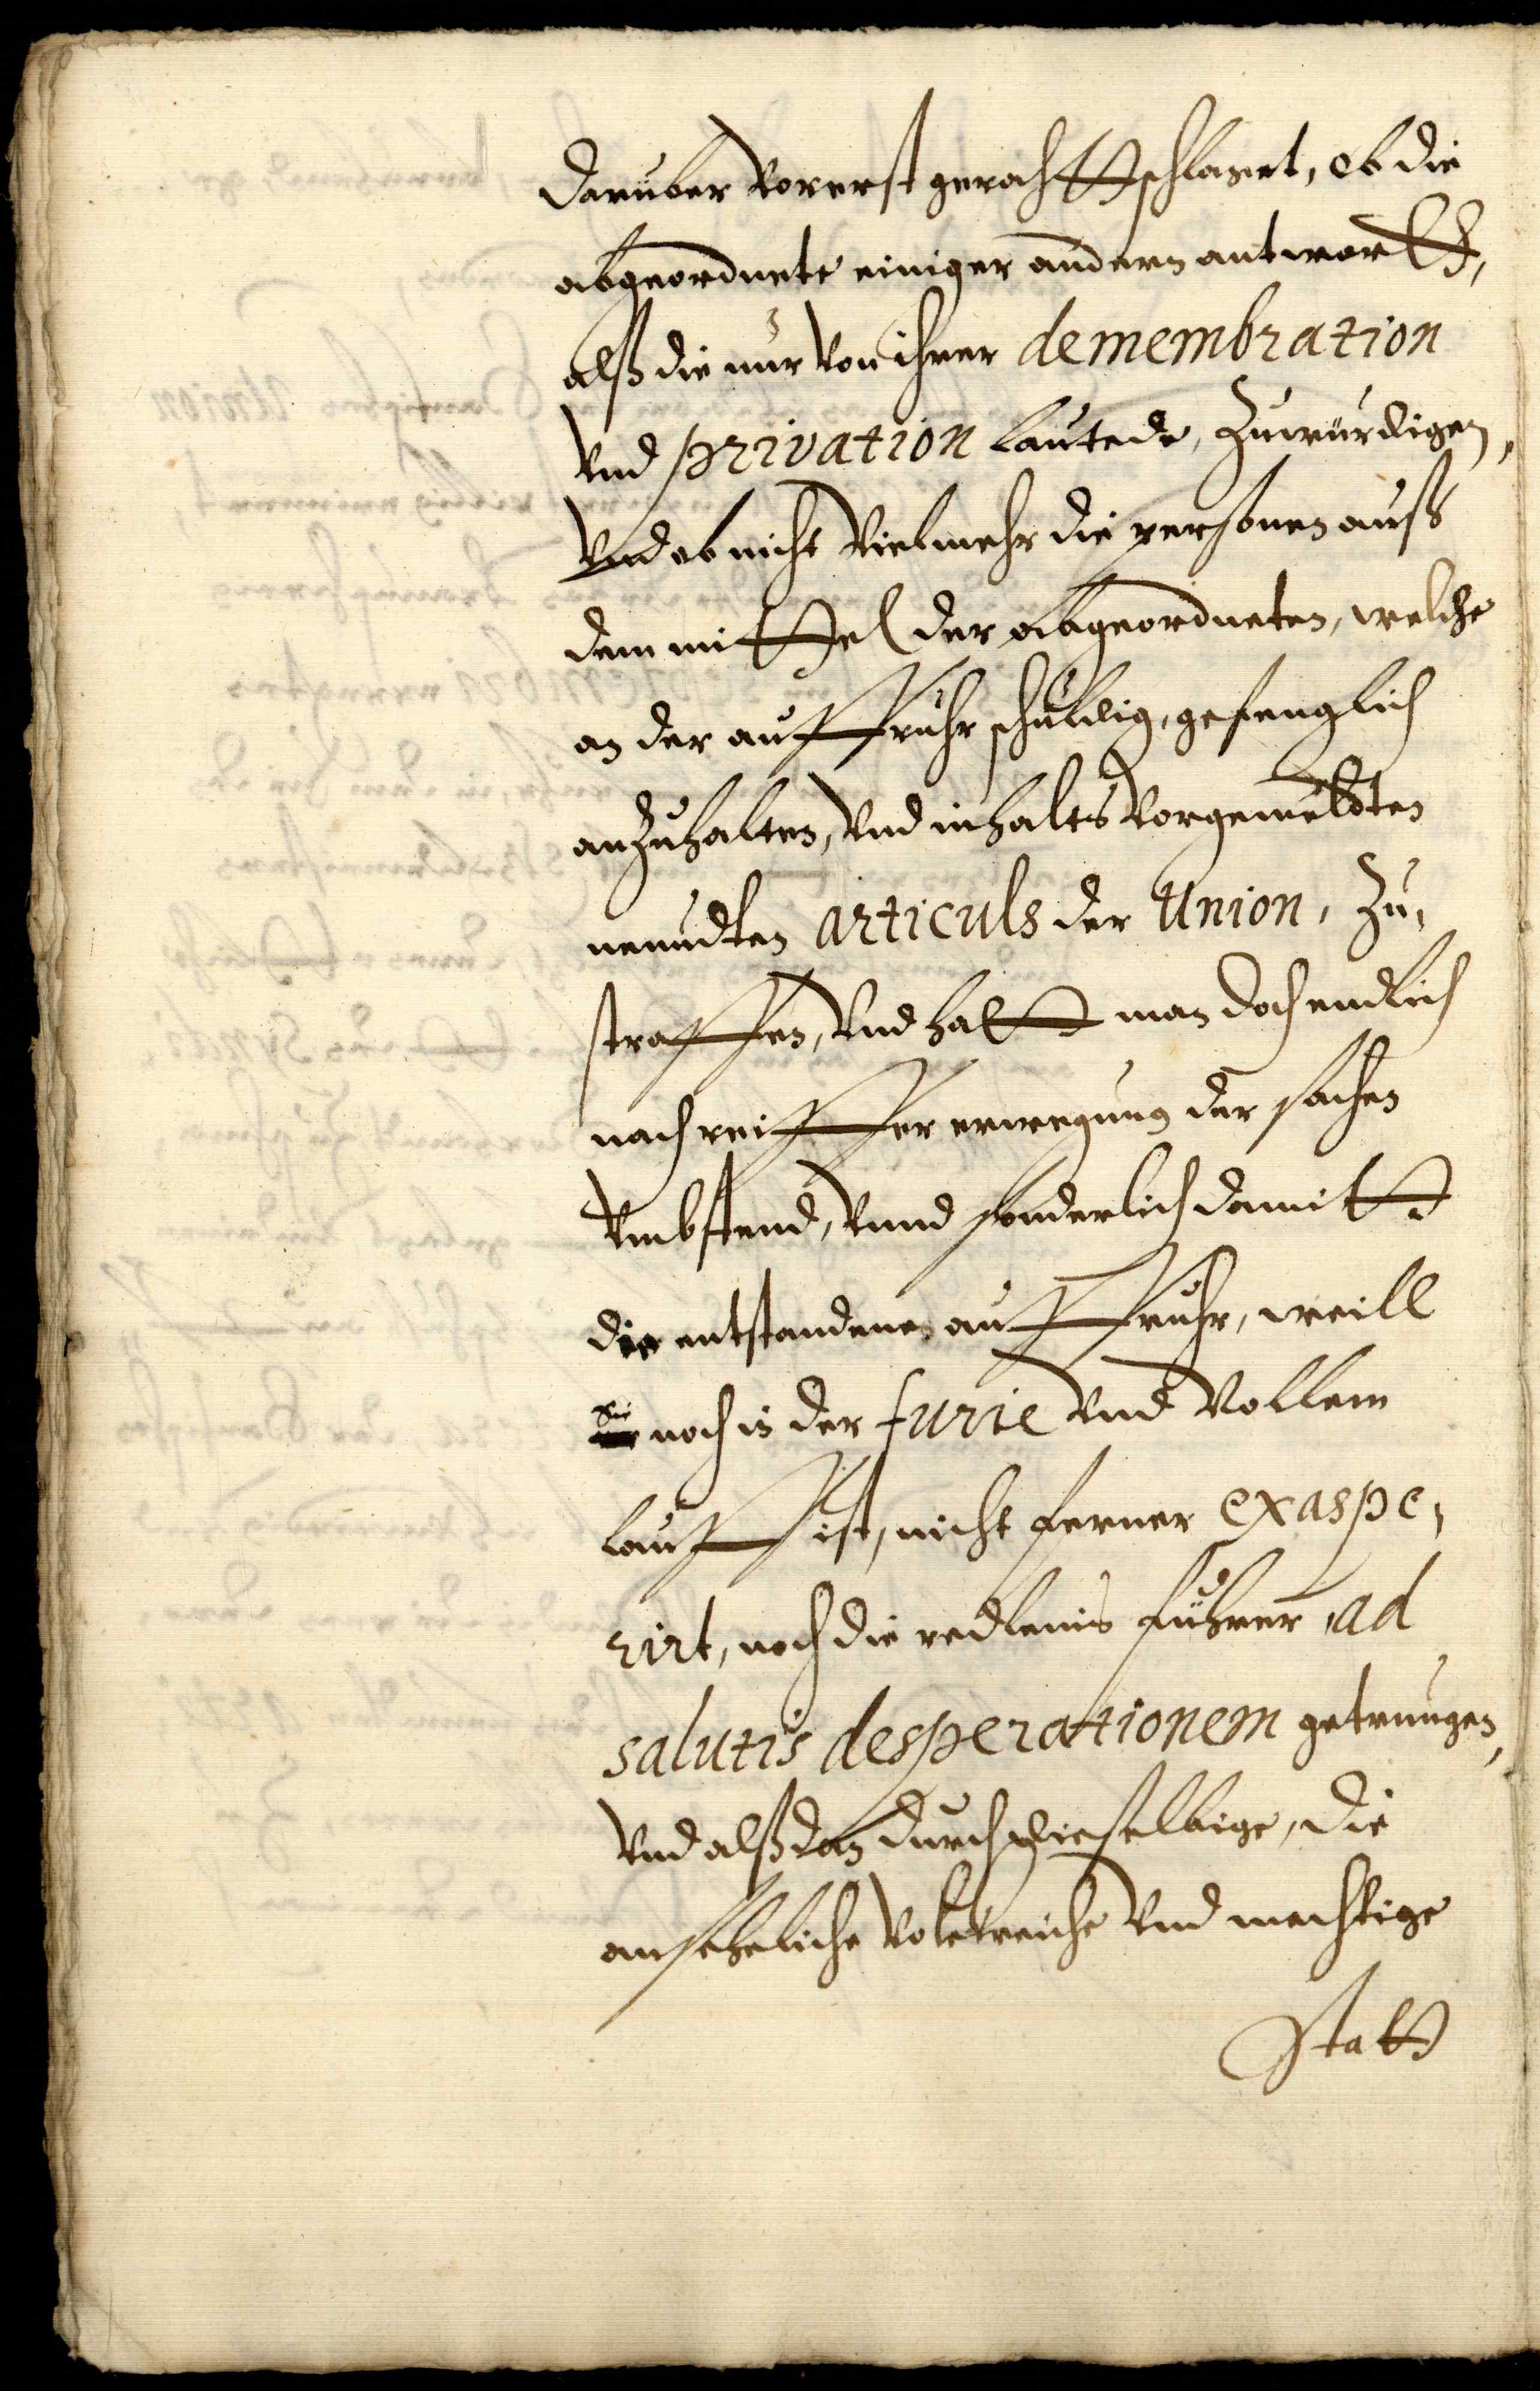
darüber vorerst gerahttschlaget, ob die
abgeordnete einiger andern antwortt,
alß die nur Von ihrer demembration
Vnd privation lautede, zuwürdigen,
Vnd ob nicht Vielmehr die personen auß
dem mittel der abgeordneten, welche
an der auffruhr schuldig, gefenglich
anzuhalten, Vnd inhalts Vorgemeldten
neundten articuls der Union, zu¬
straffen, Vnd hatt man Doch endlich
nach reiffer erwegung der sachen
Vmbstand, Vnnd sonderlich damitt
die entstandene aufruhr, weill
Sie
er noch in der furie Vnd Vollem
lauff ist, nicht ferner exaspe¬
rirt, noch die redleins führer ad
salutis desperationem getrungen,
Vnd alß dan durch dieselbige, die
anseheliche Volckreiche Vnd machtige
Statt
